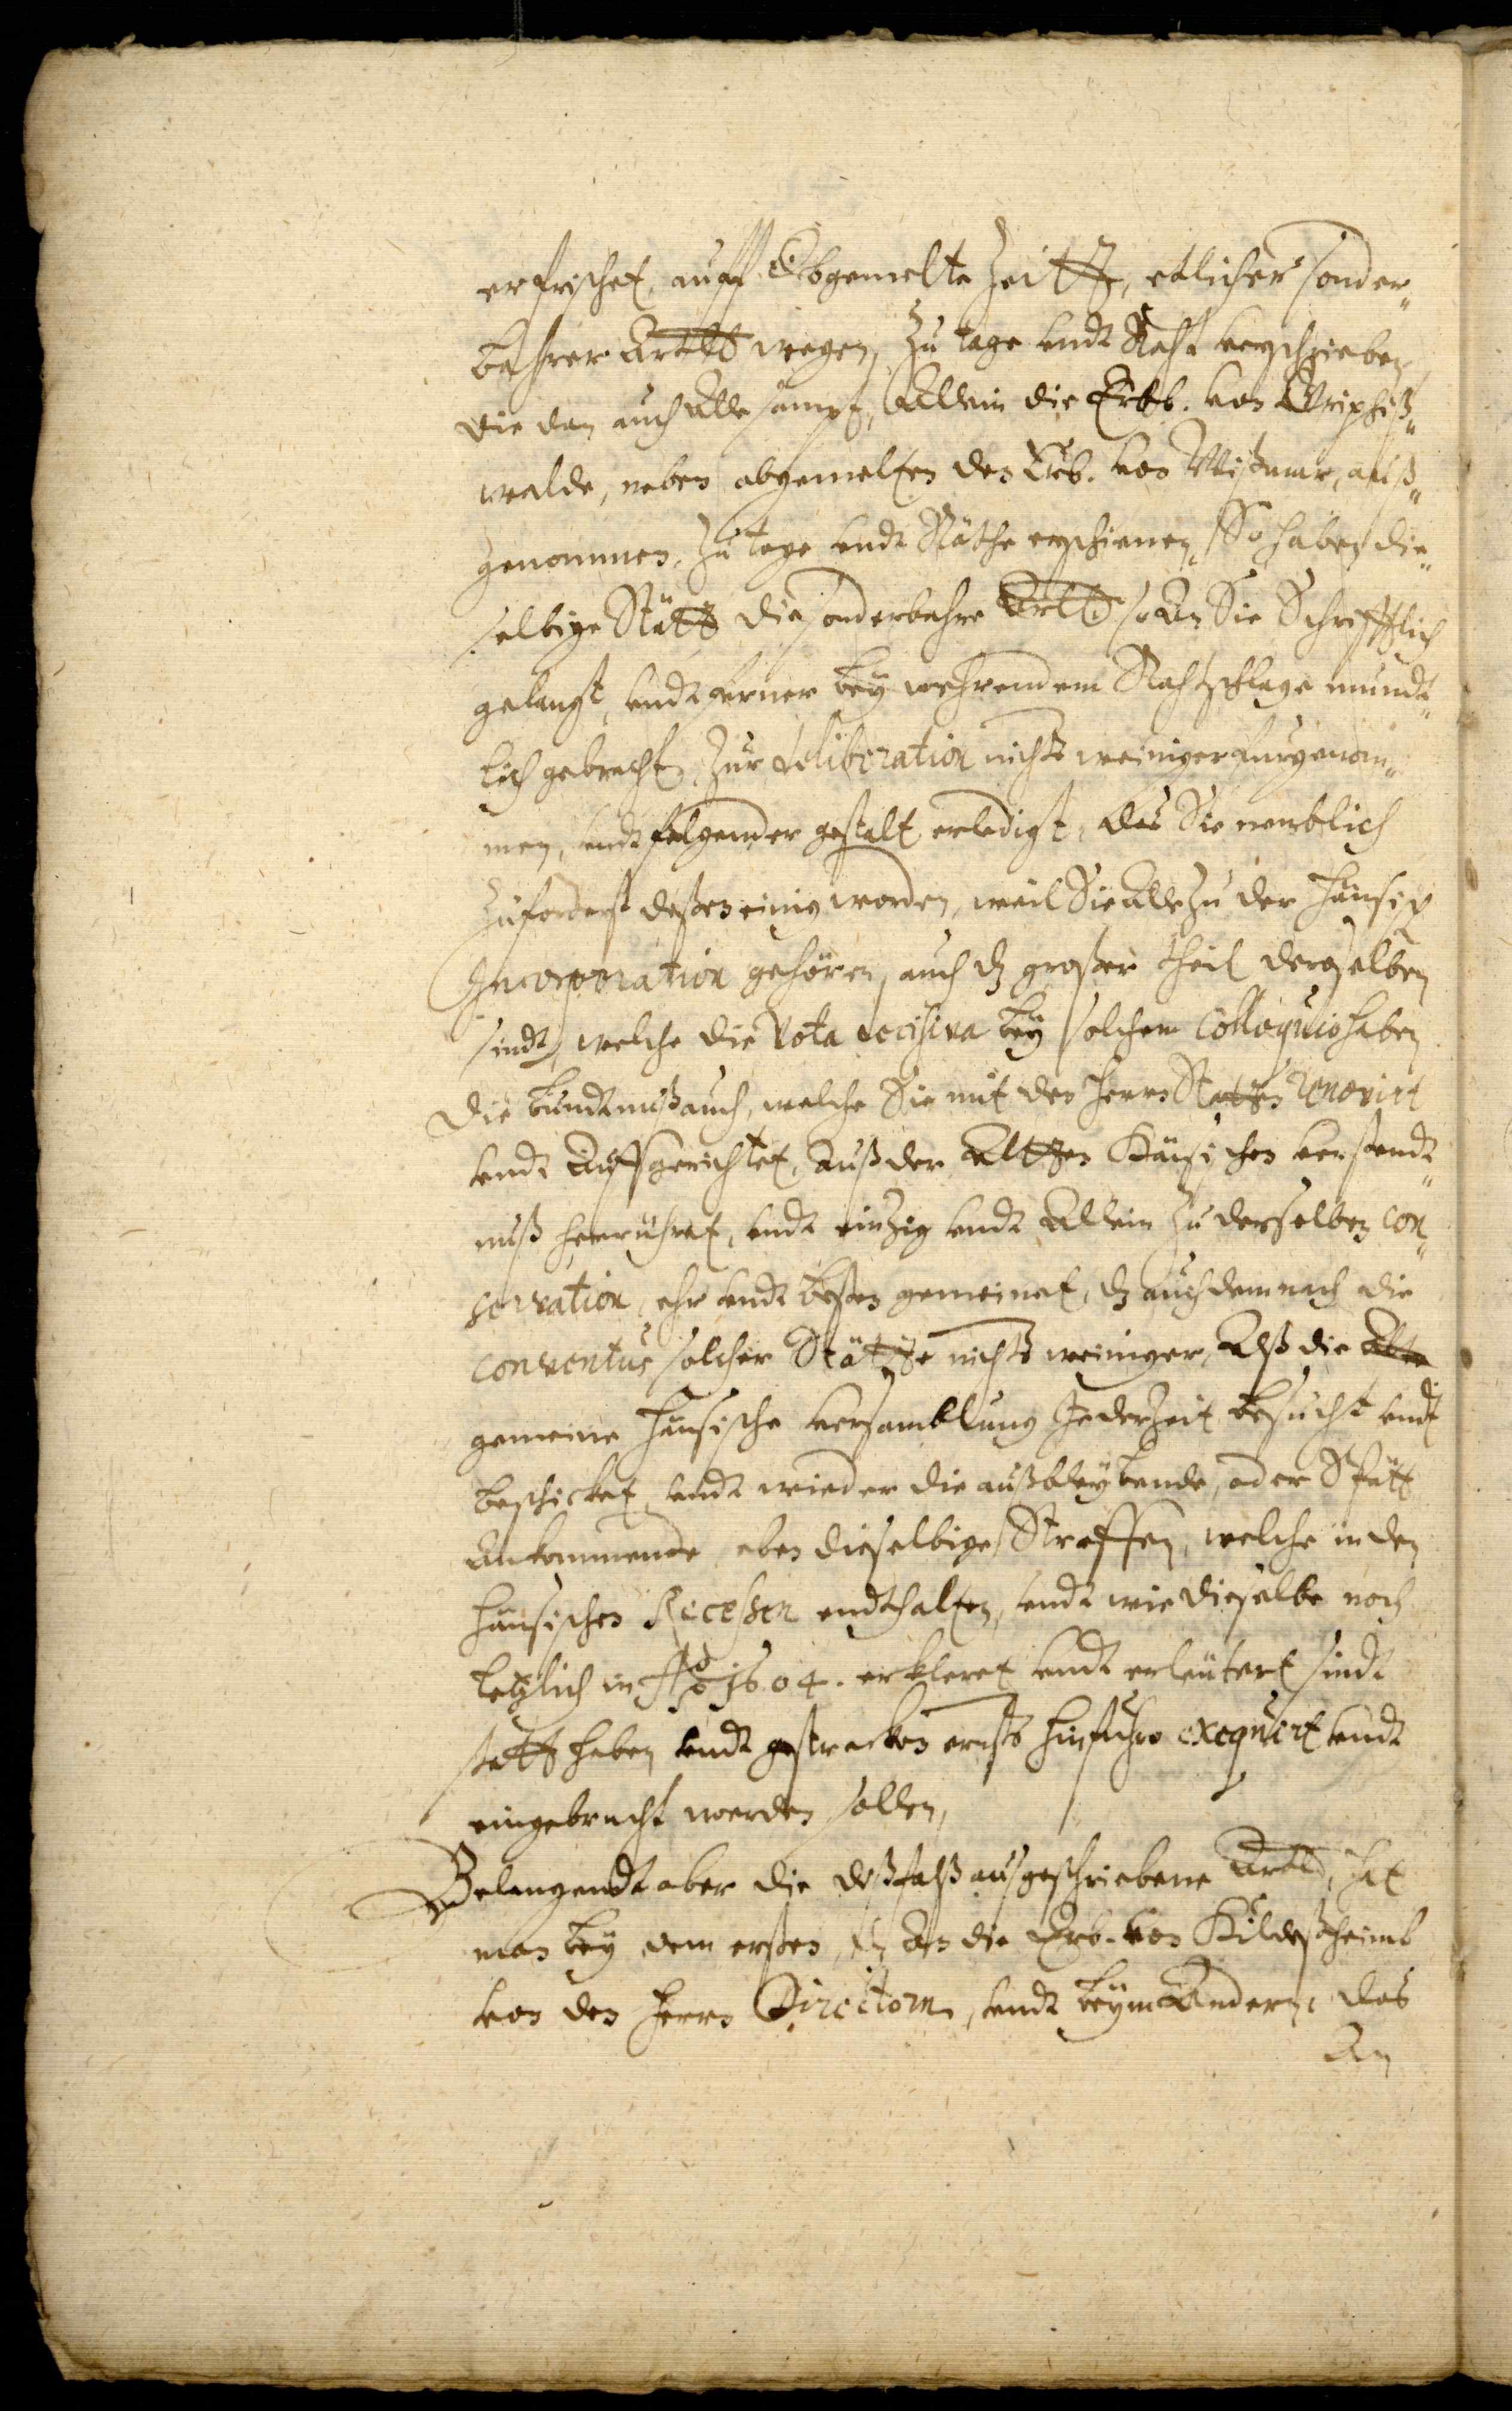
erfrischet, auff Obgemelte Zeitt, etlicher sonder¬
bahrer Artll wegen, Zu tage vndt Raht verschrieben,
die dan auch alle sampt, allein die Erbb. von Gripheß¬
walde, neben abgemelten den Erb. von Wißmar, auß¬
genommen, Zu tage vndt Räthe erschienen, so haben die¬
selbige Stätt die sonderbahre Arll so An Sie Schrifftlich
gelangt, vndt ferner beij wehrendem Rahtschlage ¬
lich gebracht, Zur deliberation nichts weiniger fugenom=
men, vndt folgender gestalt erledigt, das sie nemblich
zuforderst deßen einig worden, weil sie alle zu der hänsischen
Incorporation gehören, auch den großer theil deroselben
sindt, welche die Vota decisiva beij solchem Collequio haben
die bundtnuß auch, welche sie mit den herrn Statten renovirt
vndt auffgerichtet, auß der altten hänsischen verstendt¬
nuß herrühret, vndt einzig vndt allein zu derselben con¬
servation, ehr vndt besten gemeinet, den auch dem nach die
conventus solcher Stätte nichts weiniger, Alß die Alte
gemeine hänsische versamblung jederzeit besucht vndt
beschicket, vndt wieder die außbleijbende, oder spätt
ankommende eben dieselbige Straffen, welche in den
hänsischen Recessen endthalten, vndt wie dieselbe noch
letzlich in Ao i604. erkleret vndt erleütert sindt
statt haben vndt gestrecken ernsts hinfuhro exequirt vndt
eingebracht werden sollen,
Belangendt aber die deßfalß ausgeschriebene Artl, hat
man beij dem ersten, den An die Erb. von Hildeßheimb
von den herrn Directorn, vndt beijm Andern, das
An
